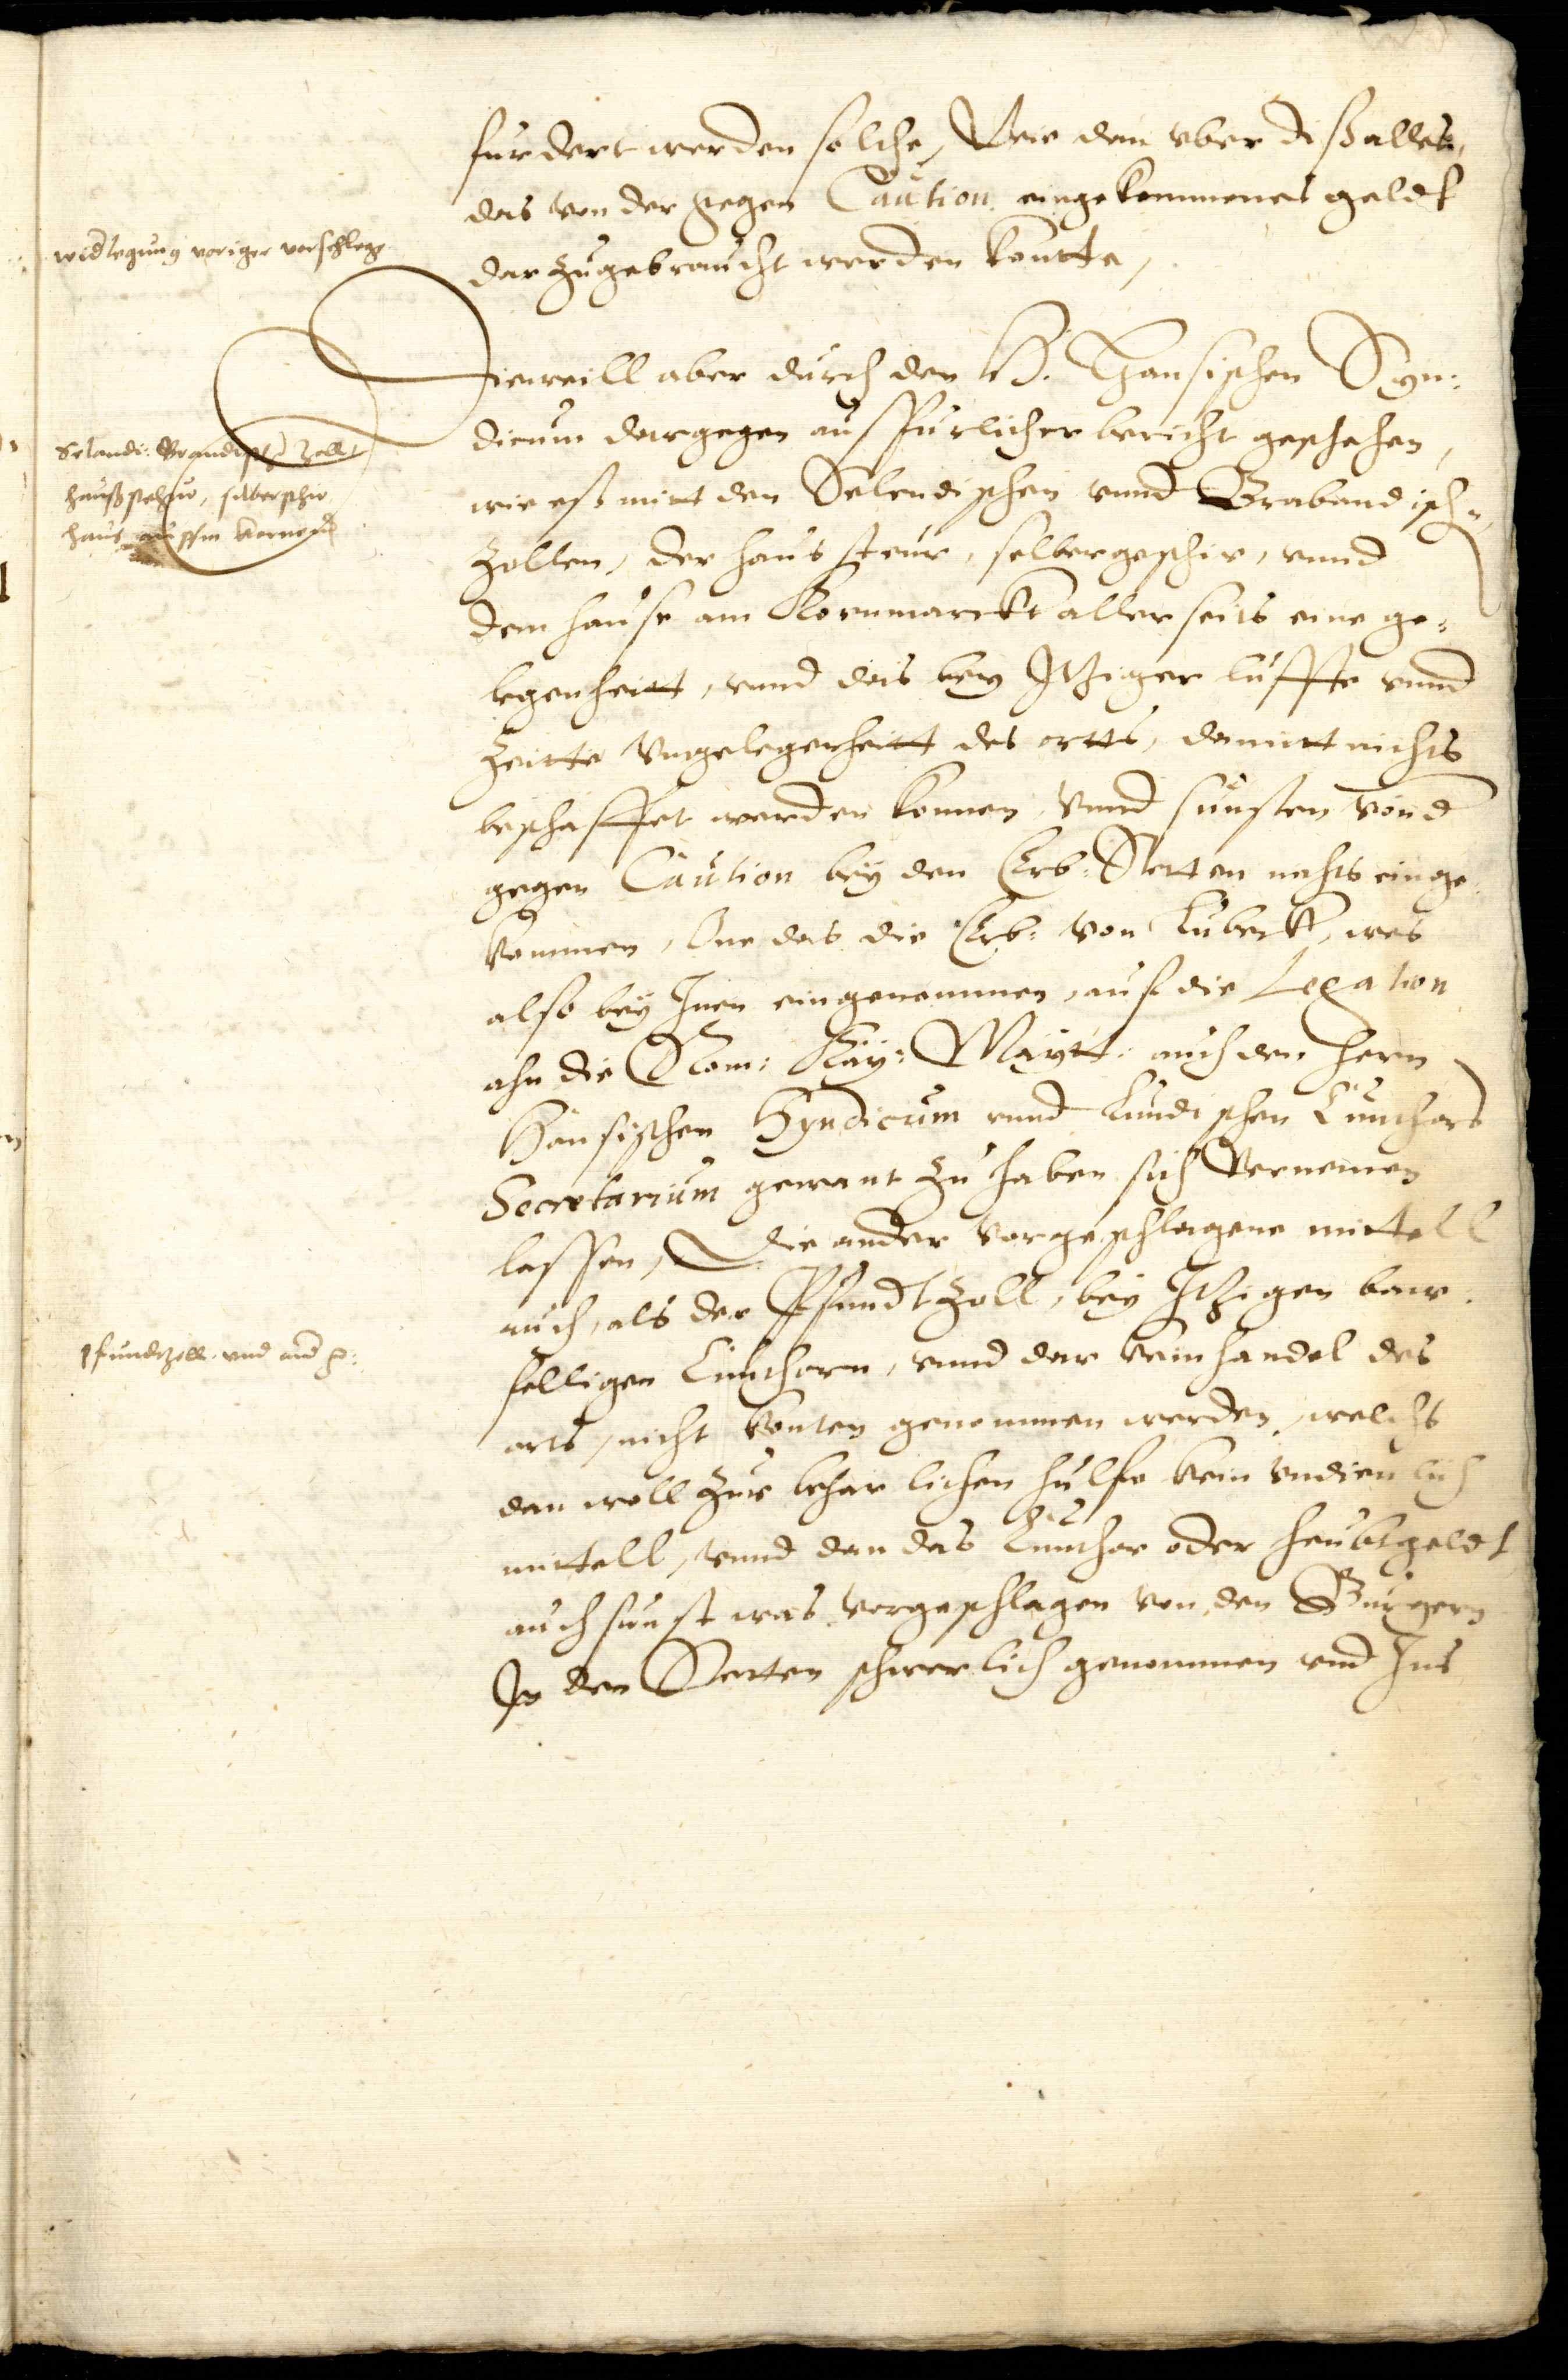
widerlegung voriger vorschlege
furdert werden solthe, Wie dan vber diß alles,
das von der gegen Caution eingekommenet geldt
dar zu gebraucht werden kontte,
Selandi: Brandischer Zoll,
haußstehur, silberschir,
haus aupfm Kornemarkt
pfundtzoll, vnd ander p:
Dieweill aber durch den H. Hansischen Syn¬
dicum dargegen ausfurlicher bericht geschehen,
wie eß mitt den Selendischen vnnd Brabandischen
Zollen, der haussteur, selbergeschir, vnnd
dem hause am Kornmarckt allerseits eine ge¬
legenheitt, vnnd das bey Jtziger luffte vnnd
Zeitte vngelegenheitt des ortts, damit nichts
beschaffet werden konnen vnnd sunsten von der
gegen Caution beij den Erb: Stetten nichts einge¬
kommen, One das die Erb: von Lubeck, wes
also bey Jnen eingenommen, auf die Legation
ahn die Rom: Kaij: Maijtt: auch den hern
Hansischen Syndicum vnnd Lundischen Cunthors
Secretarium gewant zu haben sich vernemen
lassen, Die ander vorgeschlagege mittell
auch, als der Pfundtzoll, bey Jtzigen baw¬
felligen Cunthorn, vnnd dar kein handel des
orts, nicht konten genommen werden, welchs
dan woll zur beharlichen hulfe kein vndienlich
mittell, vnnd dan das Cunthor oder heubtgeldt
auch sunst was vorgeschlagen von den Burgern
Jn den Stetten schwerlich genommen vnd Jns
